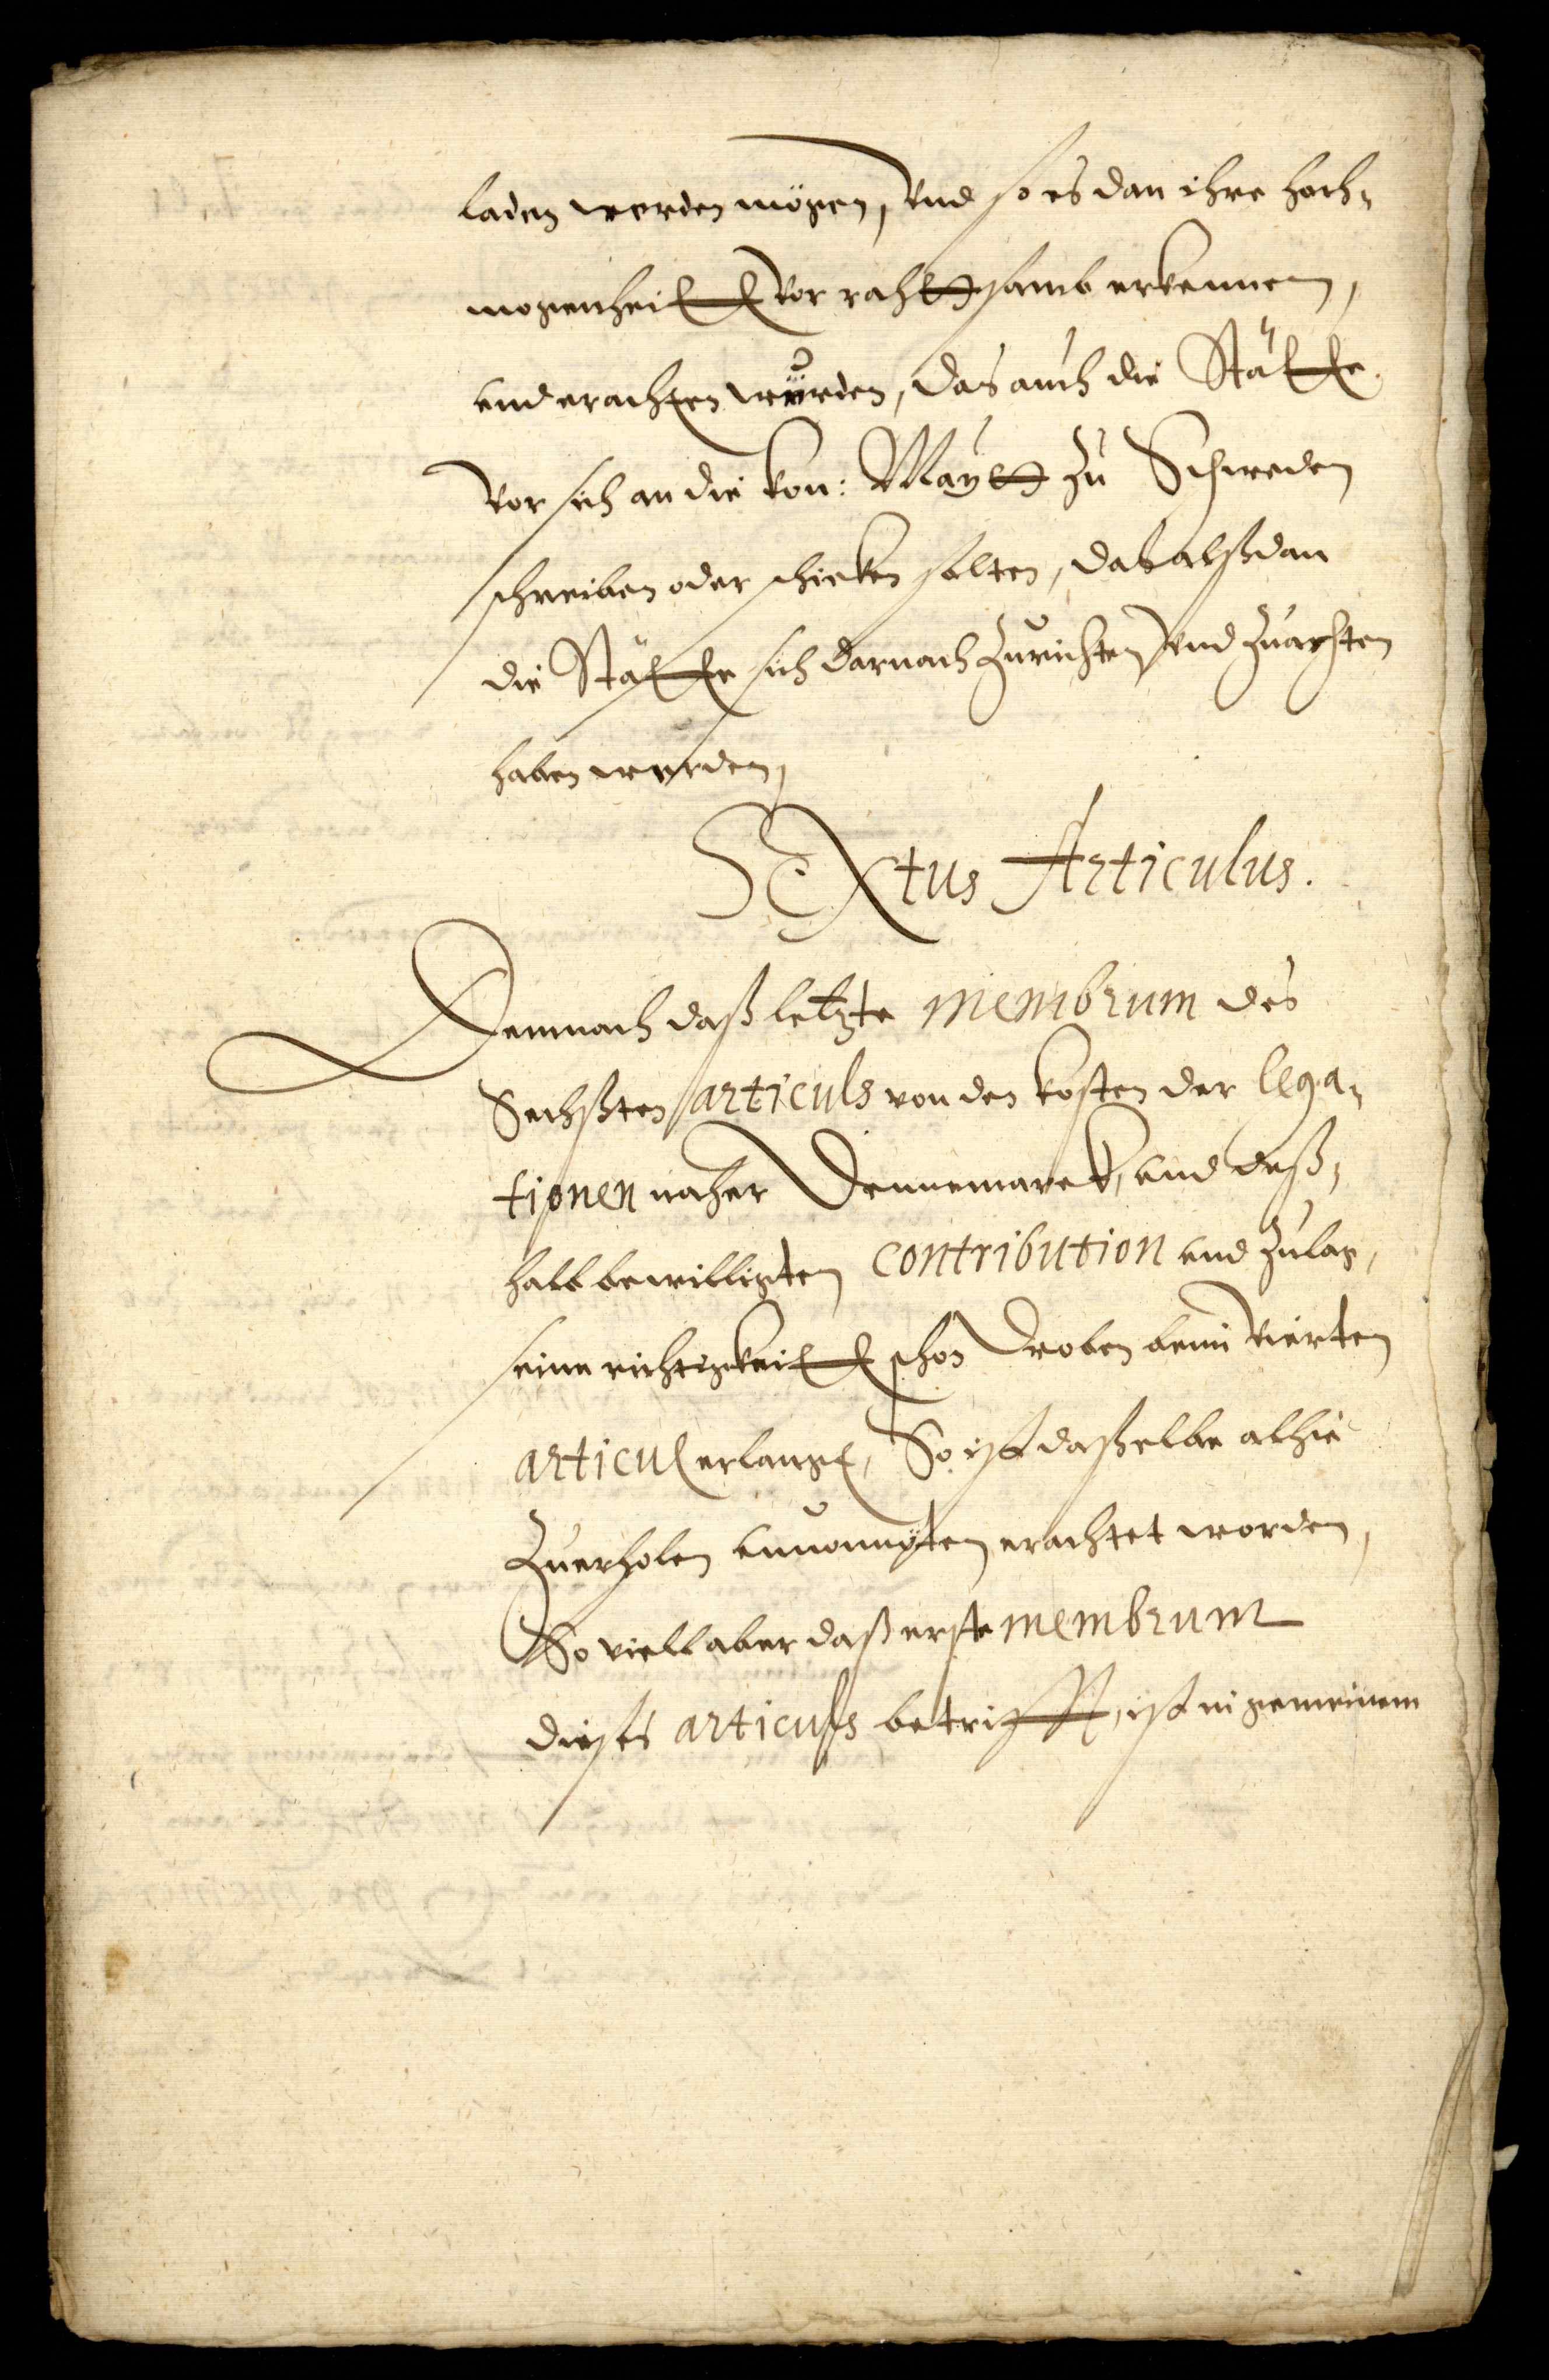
laden werden mögen, Vnd so es dan ihre hoch¬
mogenheitt Vor rahttsamb erkennen,
vnd erachten würden, das auch die Stätte
Vor sich an die Kon: Maytt Zu Schweden
schreiben oder schicken solten, das alßdan
die Stätte sich darnach Zurichten vnd Zuachten
haben werden,
Sexrtus Articulus.
Demnach daß letzte membrum des
Sechßten articuls von den kosten der lega¬
tionen naher Dennemarck, vnd deß¬
halb bewilligten contribution vnd Zulag,
seine richtigkeitt schon droben beim vierten
articul erlangt, So ist daßelbe alhie
Zuerholen vnuonnöten erachtet worden,
So viell aber daß erste membrum
dieses articuls betrifft, ist in gemeinem
